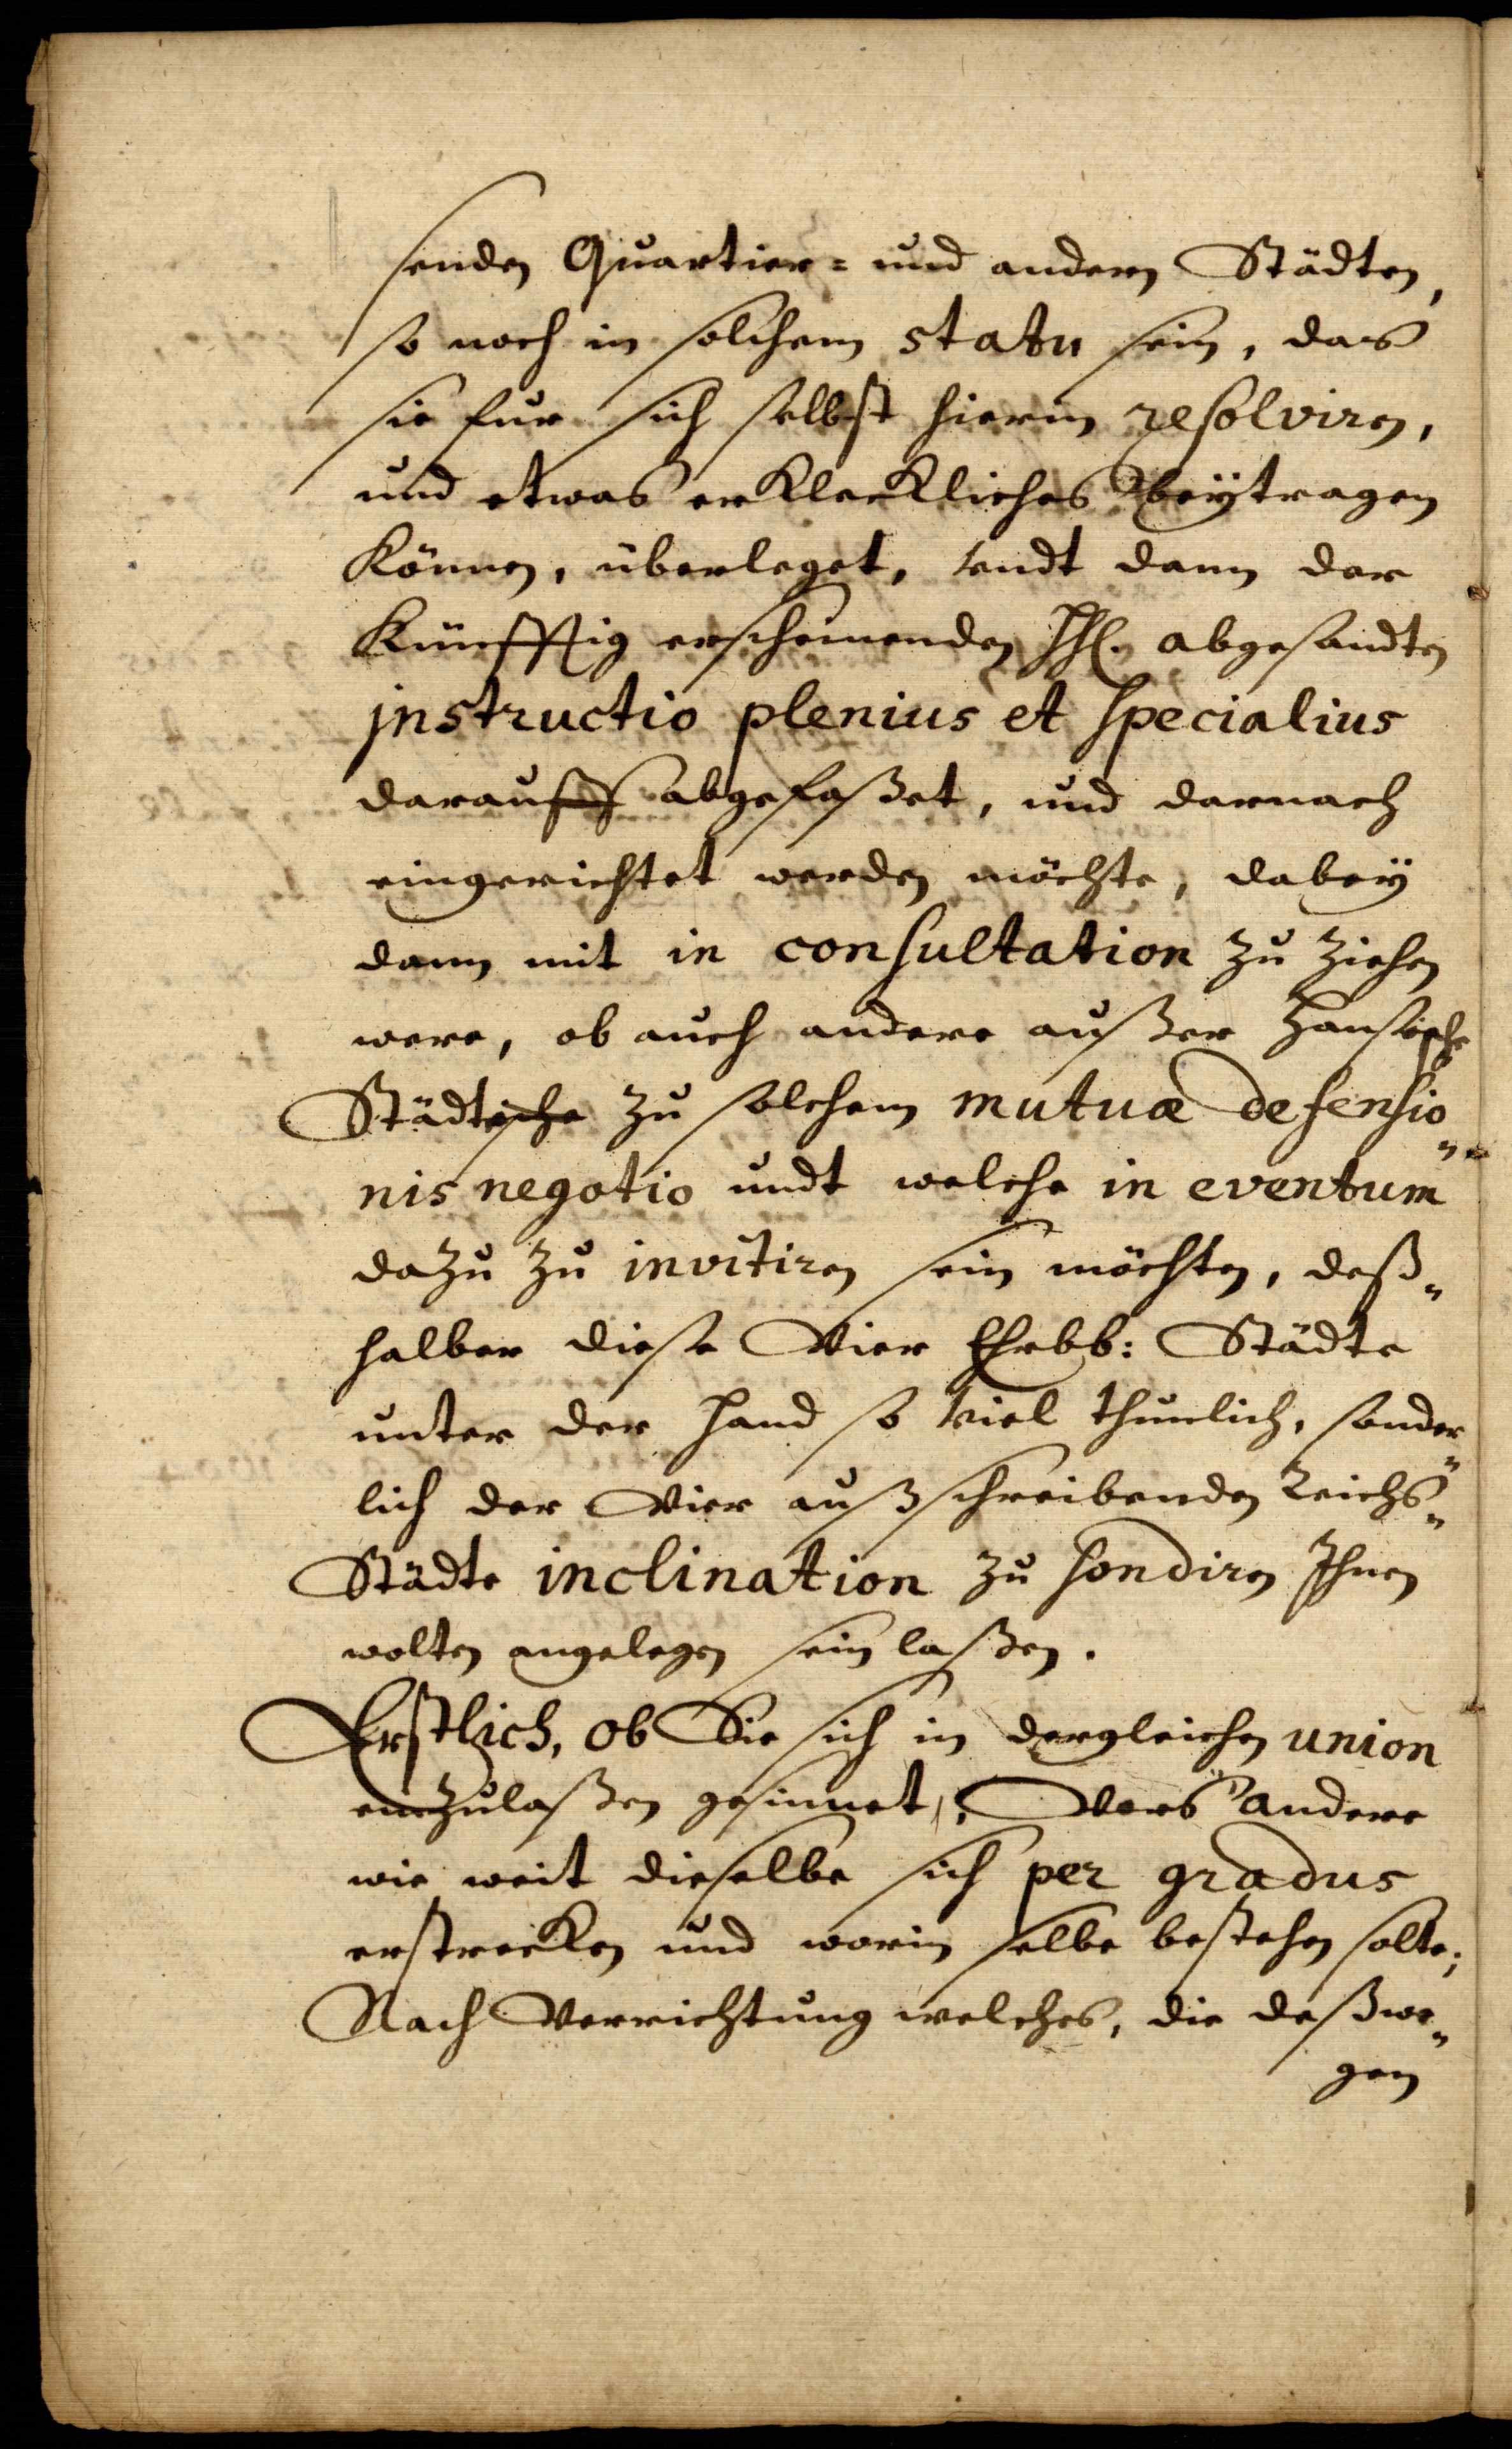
senden Quartier= und andern Städten,
so noch in solchem statu sein, das
sie für sich selbst hierin resolviren,
und etwas erkleckliches beijtragen
können, überleget, vndt dann dar
künfftig erscheinenden hh. abgesandten
jnstructio plenius et specialius
darauff abgefaßet, und darnach
eingerichtet werden möchte, dabeij
dann mit in consultation zu ziehen
were, ob auch andere außer Hansische
Städtesche zu solchem mutuae defensio¬
nis negotio undt welche in eventum
dazu zu invitiren sein möchten, deß¬
halber diese vier Ehrbb: Städte
unter der Hand so viel thunlich, sonder¬
lich der vier außschreibenden Reichs¬
Städte inclination zu sondiren Ihnen
wolten angelegen sein laßen.
Erstlich, ob Sie sich in dergleichen union
einzulaßen gesinnet, vors andere
wie weit dieselbe sich per gradus
erstrecken und worin selbe bestehen solte;
Nach Verrichtung welches, die deßwe¬
gen
